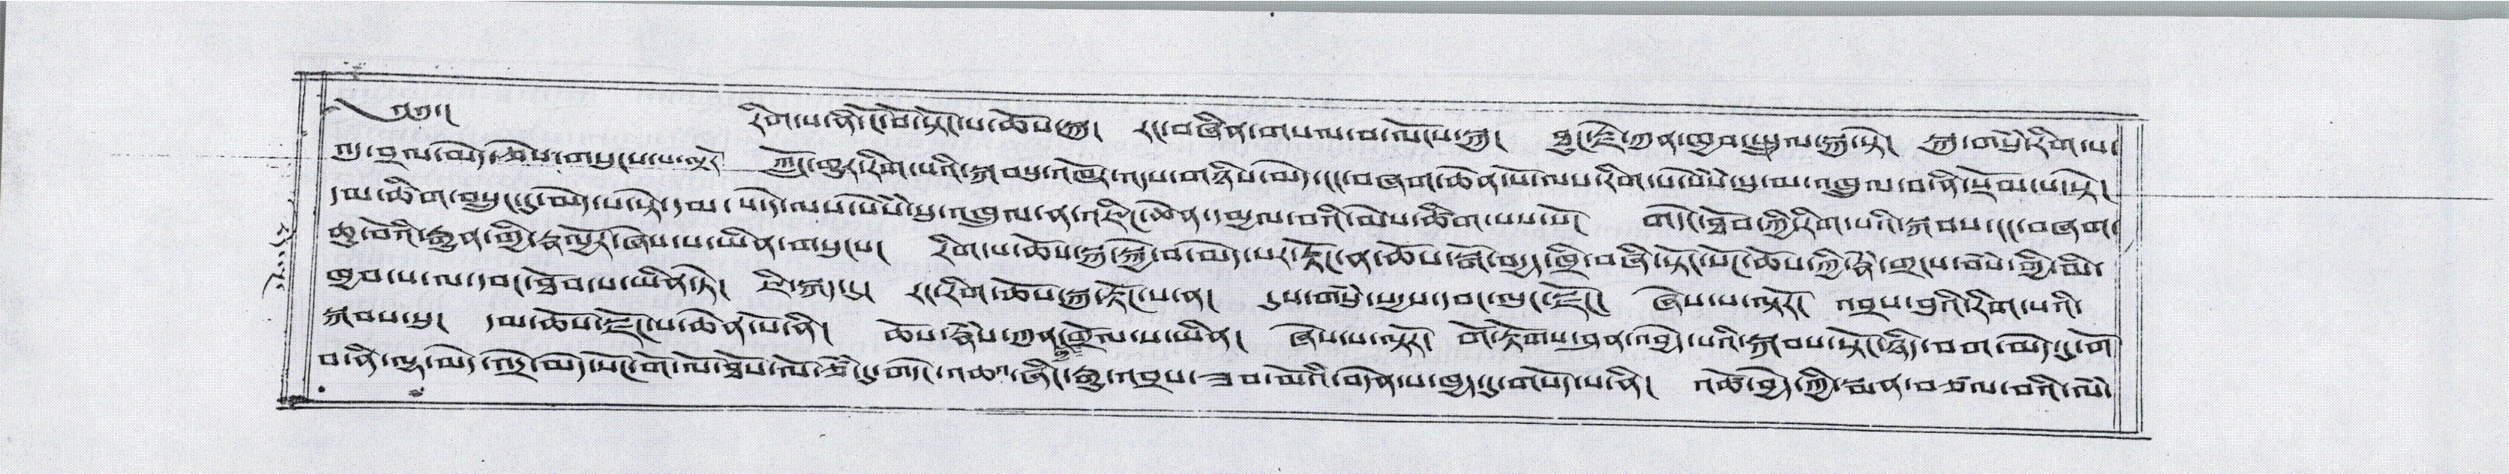རིག་པ་ནི་ངོ་བོ་སྟོང་པ་ཆོས་སྐུ། རང་བཞིན་གསལ་བ་ལོངས་སྐུ། ཐུགས་རྗེ་ཀུན་ཁྱབ་སྤྲུལ་སྐུ་སྟེ། སྐུ་གསུམ་རིག་པ་
འདུ་འབྲལ་མེད་ཅེས་གསུངས་པ་ལྟར་རོ། ཀློང་གྱུར་རིག་པའི་སྐབས་སུ་འཁོར་འདས་གཉིས་མེད་ངང་བཞག་ཆེན་པོ་ལས་རིག་པ་སེམས་སུ་མ་འཁྲུལ་པ་ནི་སྡོམ་པ་སྟེ། 
དམ་ཚིག་བསྲུང་དུ་མེད་པ་སྟེ་དམ་པ་དེ་ལས་སེམས་སུ་འཁྲུལ་ནས་འཇིགས་ཆེན་དམྱལ་བའི་མེས་འཚིགས་པས་སོ། གདེང་ཐོབ་ཀྱི་རིག་པའི་སྐབས་ངང་བཞག་
ཆུ་བོའི་རྒྱུན་གྱི་རྣལ་འབྱོར་ཞེས་པ་ཡིན་གསུངས། རིག་པ་ཆོས་སྐུ་སྐྱེ་བ་མེད་པར་རྟོགས་ན་ཆོས་སྒོ་བརྒྱད་ཁྲི་བཞི་སྟོང་སོགས་ཆོས་ཀྱི་རྣམ་གྲངས་བསམ་གྱིས་མི་
ཁྱབ་པ་ལ་དབང་ཐོབ་པ་ཡིན་ཏེ། ཇི་སྐད་དུ། རང་རིག་ཆོས་སྐུ་རྟོགས་པ་ན། དུས་གསུམ་སངས་རྒྱས་དབང་ལུང་རྫོགས། ཞེས་པ་ལྟར་རོ། འབྲས་བུའི་རིག་པའི་
སྐབས་སུ། དམ་ཆོས་རྫོགས་པ་ཆེན་པོ་ནི། ཆོས་རྣམས་ཀུན་གྱི་གྲོལ་ས་ཡིན། ཞེས་པ་ལྟར་རོ། གོ་རྟོགས་ཤན་འབྱེད་པའི་སྐབས། སྟོང་ཉིད་བག་མེད་དུ་གོ་
བ་ནི་ལྷ་མེད་འདྲེ་མེད་སོགས་གོ་ལོ་ཐོས་ལོ་ཙམ་དུ་གདེང་འཆའ་ཞིང་རྒྱུ་འབྲས་ཟབ་མོའི་བདེན་པ་ཁྱད་དུ་གསོད་པ་ནི། འཚོ་བྱེད་ཀྱི་སྨན་བཙལ་བའི་ལམ་